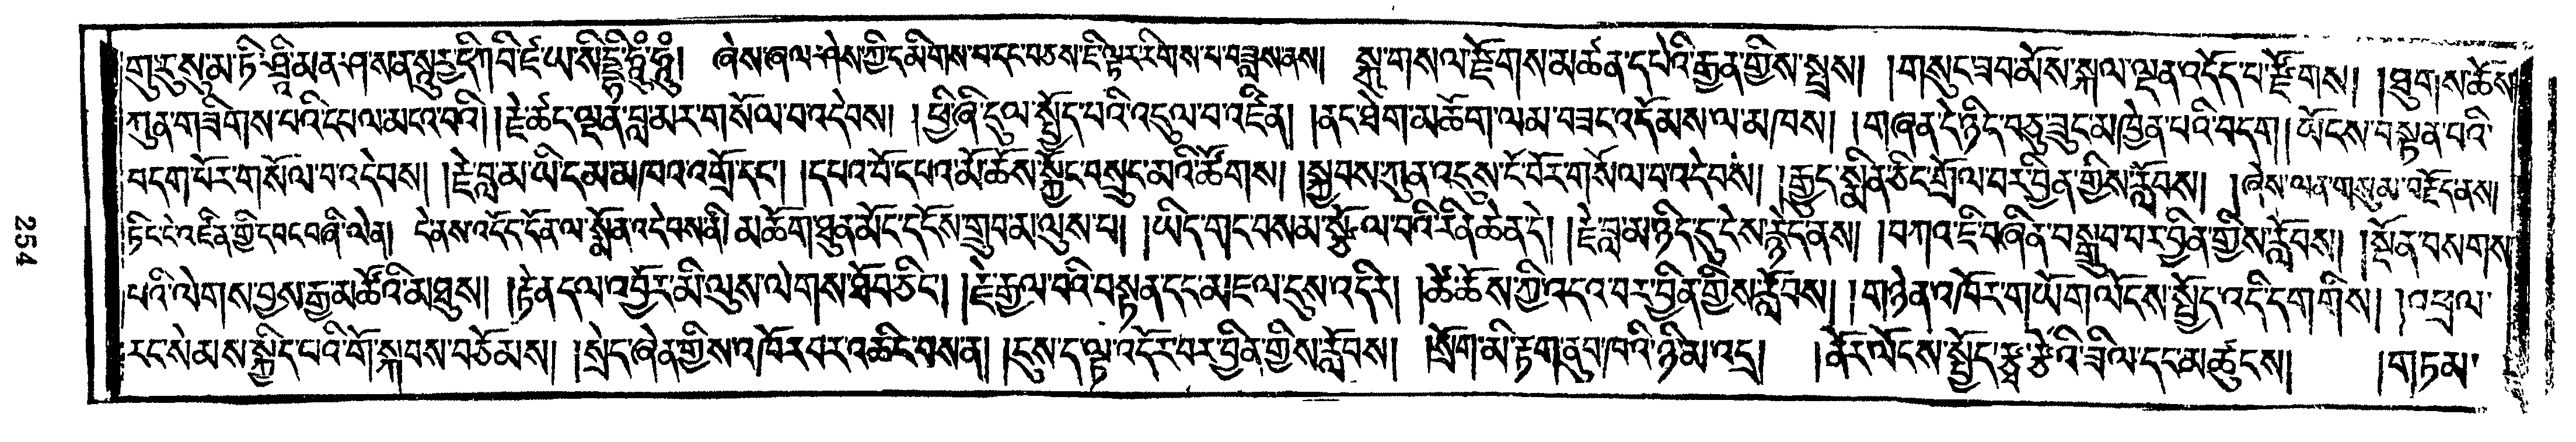གུ་རུ་སུ་མ་ཏི་ཤྲཱི་མན་ཤ་ས་ན་སཱུརྱ་དིཀ་བི་ཛ་ཡ་སིདྡྷི་ཧཱུཾ་ཧཱུཾ། ཞེས་ཞལ་ཤེས་ཀྱི་དམིགས་བ་དང་བཅས་ཇི་ལྟར་རིགས་པ་བཟླས་ནས། སྐུ་གསལ་རྫོགས་མཚན་དཔེའི་རྒྱན་གྱིས་སྦྲས། །གསུང་ཟབ་མོས་སྐལ་ལྡན་འདོད་པ་རྫོགས། །ཐུགས་ཆོས་
ཀུན་གཟིགས་པའི་དཔལ་མངའ་བའི། །རྗེ་ཚད་ལྡན་བླ་མར་གསོལ་བ་འདེབས། །ཕྱི་ཞི་དུལ་སྤྱོད་པའི་འདུལ་བ་འཛིན། །ནང་ཐེག་མཆོག་ལམ་བཟང་འདོམས་ལ་མཁས། །གཞན་དེ་ཉིད་བཅུ་ཟུང་མཁྱེན་པའི་བདག །ཡོངས་བསྟན་པའི་
བདག་པོར་གསོལ་བ་འདེབས། །རྗེ་བླ་མ་ཡི་དམ་མཁའ་འགྲོ་དང་། །དཔའ་བོ་དཔའ་མོ་ཆོས་སྐྱོང་བསྲུང་མའི་ཚོགས། །སྐྱབས་ཀུན་འདུས་ངོ་བོར་གསོལ་བ་འདེབས། །རྒྱུད་སྨིན་ཅིང་གྲོལ་བར་བྱིན་གྱིས་རློབས། །ཞེས་ལན་གསུམ་བརྗོད་ནས།
ཏིང་ངེ་འཛིན་གྱི་དབང་བཞི་ལེན། དེ་ནས་འདོད་དོན་ལ་སྨོན་འདེབས་ནི། མཆོག་ཐུན་མོང་དངོས་གྲུབ་མ་ལུས་པ། །ཡིད་གང་བསམ་སྩོལ་བའི་རིན་ཆེན་དེ། །རྗེ་བླ་མ་ཉིད་དུ་ངེས་རྙེད་ནས། །བཀའ་ཇི་བཞིན་བསྒྲུབ་པར་བྱིན་གྱིས་རློབས། །སྔོན་བསགས་
པའི་ལེགས་བྱས་རྒྱ་མཚོའི་མཐུས། །རྟེན་དལ་འབྱོར་མི་ལུས་ལེགས་ཐོབ་ཅིང་། །རྗེ་རྒྱལ་བའི་བསྟན་དང་མཇལ་དུས་འདིར། །ཚེ་ཆོས་ཀྱི་འདའ་བར་བྱིན་གྱིས་རློབས། །གཉེན་འཁོར་གཡོག་ལོངས་སྤྱོད་འདི་དག་གིས། །འཕྲལ་
རང་སེམས་སྐྱིད་པའི་གོ་སྐབས་བཅོམས། །སྲེད་ཞེན་གྱིས་འཁོར་བར་འཆིང་བས་ན། །དུས་ད་ལྟ་འདོར་བར་བྱིན་གྱིས་རློབས། །སྲོག་མི་རྟག་ནུབ་ཁའི་ཉི་མ་འདྲ། །ནོར་ལོངས་སྤྱོད་རྩྭ་རྩེའི་ཟིལ་དང་མཚུངས། །གཏམ་